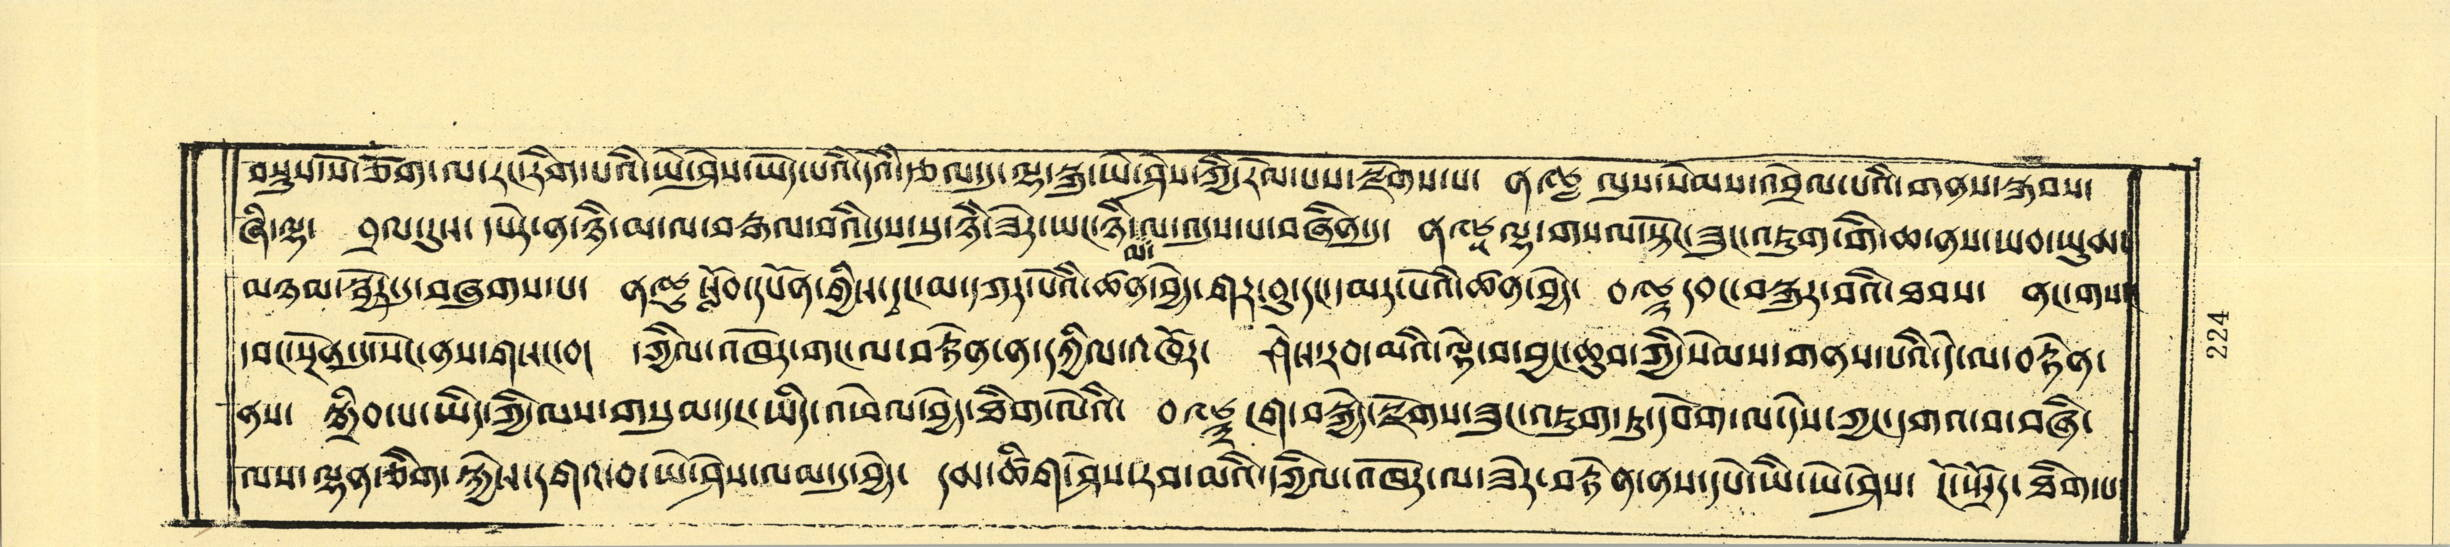བསྡུས་སོ་ཅོག་ལ་རང་རིག་པའི་ཡེ་ཤེས་ཡོད་པའི་དེའི་རྩལ་དུ་ལྷ་སྐུ་ཡེ་ཤེས་ཀྱི་རོལ་པས་སྫོགས་པ། ན༩༦།༤ ལུས་སེམས་འབྲེལ་པའི་གནས་སྐབས་ 
༼ཞི་༽ལྷ། ༼བྲལ་དུས་༽དཔེར་ན་ཉི་མ་ལ་བརྒལ་བའི་དུས་སུ་ཉི་ཟེར་ཡང་ཉི་མ་ལ་འདུས་པ་བཞིན་དུ། ན༩༦།༥ ༼ལྷ་༽གསལ་སྟོང་ཟུང་འཇུག་གི་ཆ་ནས་ ༼ཡབ་ཡུམ་༽
མཉམ་སྦྱོར་དུ་བཞུགས་པ། ན༩༦།༦ ༼སློབ་དཔོན་གྱིས་༽དྭང་མ་དཀར་པོའི་ཚན་བྱེད་ ༼གར་བུ་དང་༽དམར་པོའི་ཚན་བྱེད་བ༩༦།༢ ༼དབང་༽བསྐུར་བའི་ཐབས། ནང་གསང་
དབང་སྔོན་དུ་སོང་ནས་ ༼གསང་བ།༽དཀྱིལ་འཁོར་གང་ལ་བརྟེན་ན་ ༼དཀྱིལ་འཁོར་ཤེས་རབ་༽མའི་ལྟེ་བ་བྱང་ཆུབ་ཀྱི་སེམས་གནས་པའི་དེ་ལ་ ༼བརྟེན་༽
ནས་ ༼སྒྲིབ་༽པ་ཡིད་ཀྱི་ལས་གསུམ་དང་ཡིད་འཕེལ་བྱེད་ཐིག་ལེའི་བ༩༦།༣ ༼ངག་༽བསྐྱེད་སྫོགས་ཟུང་འཇུག་ཏུ་དབོག་ལ་དེས་ཀྱང་དགའ་བ་བཞི་
ལས་ལྷན་ཅིག་ ༼སྐྱེས་དགའ་བ་༽ཡེ་ཤེས་ལམ་དུ་བྱེད། ༼དམ་ཚིག་༽ཤེས་རབ་མའི་དཀྱིལ་འཁོར་ལ་ཟེར་བརྟེན་ནས་དཔེ་ཡི་ཡེ་ཤེས། ༼ངོ་སྤྲོད་༽ཐིག་པ་